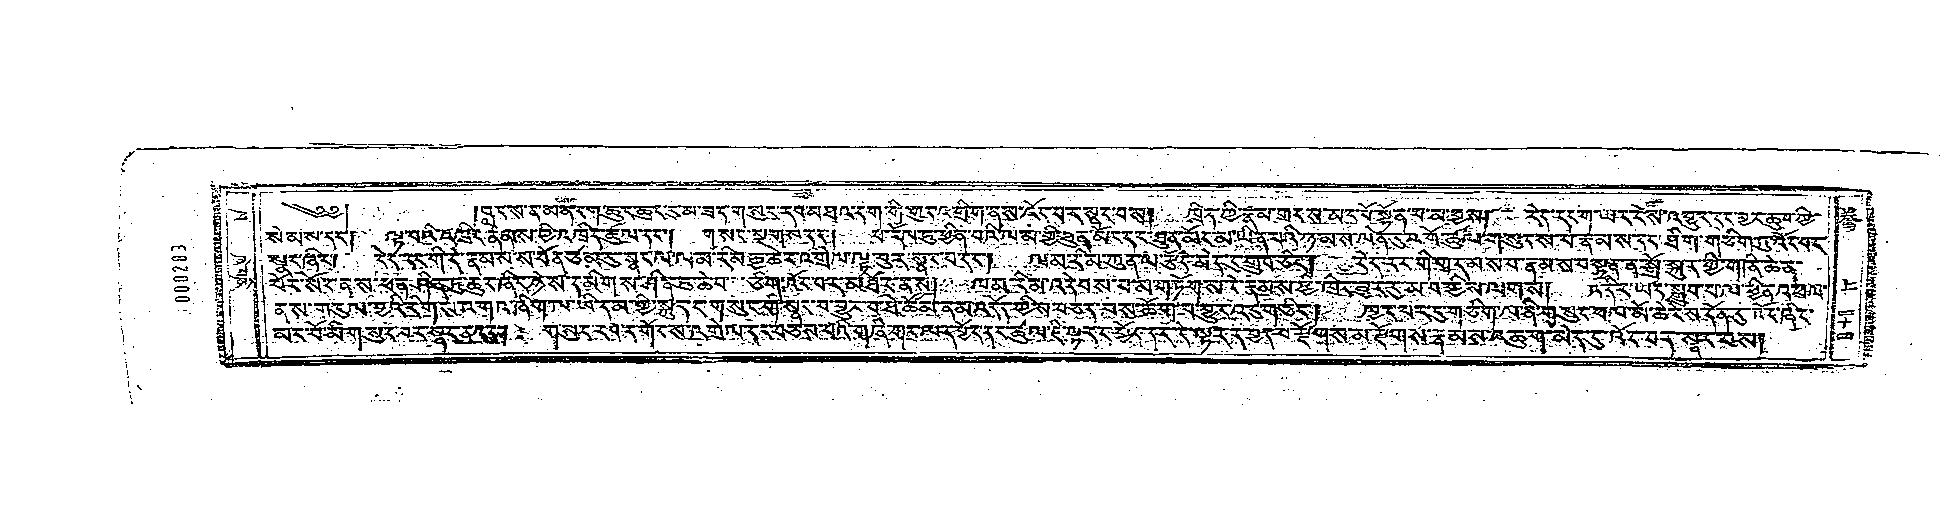༄༅། །བླངས་ན་མན་ངག་ཆུང་ཆུང་དུ་མ་ཟད་གསུང་རབ་མཐའ་དག་གི་གུང་འགྲིག་ནས་འོང་བར་སྣང་བས། ཁྲིད་ཀྱི་རྣམ་གྲངས་མང་པོ་སྟོན་པ་མ་བྱས། དེད་རང་ག་ཡང་ངེས་འབྱུང་དང་བྱང་ཆུབ་ཀྱི་
སེམས་དང་། ལྟ་བའི་འཁྲིད་རྣམས་ཀྱི་འཁྲིད་ཚུལ་དང་། གསང་སྔགས་དང་། ཕ་རོལ་ཏུ་ཕྱིན་པའི་ལམ་གྱི་ཐུན་མོང་དང་ཐུན་མོང་མ་ཡིན་པའི་ཉམས་ལེན་དུ་འོག་ཚུལ་གསུངས་པ་རྣམས་དང་ཐིག་གཅིག་ཏུ་འོང་བར་
སྣང་ཞིང་། དེད་རང་གི་དེ་རྣམས་ས་བོན་ཙམ་དུ་སྣང་ལ་ལམ་རིམ་རྒྱ་ཆེར་འགྲེལ་ལྟ་བུར་སྣང་བ་དང་། ལམ་རིམ་ཀུན་ལ་རྩོད་མེད་དུ་གྲུབ་ཅིང་། ངེད་རང་གི་གདམས་པ་རྣམས་བསྟན་ན་སྒྲོ་སྐུར་གྱི་གཞི་ཆེན་
པོར་སོང་ནས་ཕན་ཤིན་ཏུ་ཆུང་ཞིང་ཉེས་དམིགས་ཤིན་ཏུ་ཆེ་བ་ཅིག་འོང་བར་མཐོང་ནས། ལམ་རིམ་འདེབས་པ་མ་གཏོགས་དེ་རྣམས་ཀྱི་ཁྲིད་ཟུར་དུ་མ་བགྱིས་ལགས། འདིར་ཡང་སྒྲུབ་པ་ལ་ཕྱིན་འཕྲལ་
ནས་གདུལ་བྱའི་རིགས་འགའ་ཞིག་ལ་ཡི་དམ་གྱི་སྐུ་དང་གསུང་གི་སྣང་བ་བྱུང་བ་ཐེ་ཚོམ་ནམ་འདོད་ཀྱིས་བཅད་བས་ཆོག་པ་བྱུང་འདུག་ཅིང་། ཁྱད་པར་དུ་གཅིག་ལ་ནི་གསུང་ཕལ་མོ་ཆེ་རེས་དོན་དུ་འོང་ཞིང་
མང་བོ་མི་གསུང་བར་སྣང་ནའང་། གསུང་རབ་དགོངས་འགྲེལ་དང་བཅས་པའི་གཞི་གང་ལ་དཔྱོད་དང་ཚུལ་ཇི་ལྟར་དཔྱོད་དང་དེ་ལྟར་དཔྱོད་ལ་རྫོགས་མ་རྫོགས་རྣམས་འཆུག་མེད་དུ་འོང་བར་སྣང་བས།